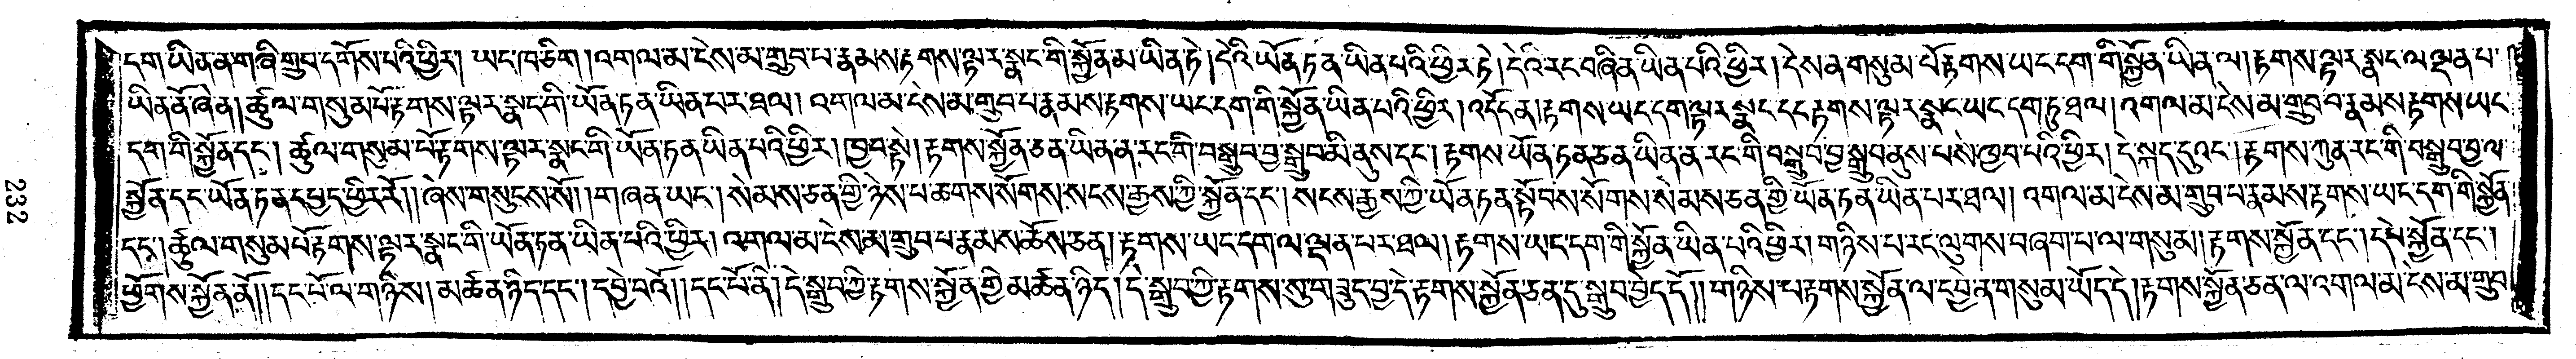དག་ཡིན་ན་གཞི་གྲུབ་དགོས་པའི་ཕྱིར། ཡང་ཁ་ཅིག །འགལ་མ་ངེས་མ་གྲུབ་པ་རྣམས་རྟགས་ལྟར་སྣང་གི་སྐྱོན་མ་ཡིན་ཏེ། དེའི་ཡོན་ཏན་ཡིན་པའི་ཕྱིར་ཏེ། དེའི་རང་བཞིན་ཡིན་པའི་ཕྱིར། དེས་ན་གསུམ་པོ་རྟགས་ཡང་དག་གི་སྐྱོན་ཡིན་ལ། རྟགས་ལྟར་སྣང་ལ་ལྡན་པ་
ཡིན་ནོ་ཞེ་ན། ཚུལ་གསུམ་པོ་རྟགས་ལྟར་སྣང་གི་ཡོན་ཏན་ཡིན་པར་ཐལ། འགལ་མ་ངེས་མ་གྲུབ་པ་རྣམས་རྟགས་ཡང་དག་གི་སྐྱོན་ཡིན་པའི་ཕྱིར། འདོད་ན། རྟགས་ཡང་དག་ལྟར་སྣང་དང་རྟགས་ལྟར་སྣང་ཡང་དག་ཏུ་ཐལ། འགལ་མ་ངེས་མ་གྲུབ་པ་རྣམས་རྟགས་ཡང་
དག་གི་སྐྱོན་དང་། ཚུལ་གསུམ་པོ་རྟགས་ལྟར་སྣང་གི་ཡོན་ཏན་ཡིན་པའི་ཕྱིར། ཁྱབ་སྟེ། རྟགས་སྐྱོན་ཅན་ཡིན་ན་རང་གི་བསྒྲུབ་བྱ་སྒྲུབ་མི་ནུས་དང་། རྟགས་ཡོན་ཏན་ཅན་ཡིན་ན་རང་གི་བསྒྲུབ་བྱ་སྒྲུབ་ནུས་པས་ཁྱབ་པའི་ཕྱིར། དེ་སྐད་དུའང་། རྟགས་ཀུན་རང་གི་བསྒྲུབ་བྱ་ལ། །
སྐྱོན་དང་ཡོན་ཏན་དཔྱད་ཕྱིར་རོ། །ཞེས་གསུངས་སོ། །གཞན་ཡང་། སེམས་ཅན་གྱི་ཉེས་པ་ཆགས་སོགས་སངས་རྒྱས་ཀྱི་སྐྱོན་དང་། སངས་རྒྱས་ཀྱི་ཡོན་ཏན་སྟོབས་སོགས་སེམས་ཅན་གྱི་ཡོན་ཏན་ཡིན་པར་ཐལ། འགལ་མ་ངེས་མ་གྲུབ་པ་རྣམས་རྟགས་ཡང་དག་གི་སྐྱོན་
དང་། ཚུལ་གསུམ་པོ་རྟགས་ལྟར་སྣང་གི་ཡོན་ཏན་ཡིན་པའི་ཕྱིར། འགལ་མ་ངེས་མ་གྲུབ་པ་རྣམས་ཆོས་ཅན། རྟགས་ཡང་དག་ལ་ལྡན་པར་ཐལ། རྟགས་ཡང་དག་གི་སྐྱོན་ཡིན་པའི་ཕྱིར། གཉིས་པ་རང་ལུགས་བཞག་པ་ལ་གསུམ། རྟགས་སྐྱོན་དང་། དཔེ་སྐྱོན་དང་།
ཕྱོགས་སྐྱོན་ནོ། །དང་པོ་ལ་གཉིས། མཚན་ཉིད་དང་། དབྱེ་བའོ། །དང་པོ་ནི། དེ་སྒྲུབ་ཀྱི་རྟགས་སྐྱོན་གྱི་མཚན་ཉིད། དེ་སྒྲུབ་ཀྱི་རྟགས་སུ་གཟུང་བྱ་དེ་རྟགས་སྐྱོན་ཅན་དུ་སྒྲུབ་བྱེད་དོ། །གཉིས་པ་རྟགས་སྐྱོན་ལ་དབྱེ་ན་གསུམ་ཡོད་དེ། རྟགས་སྐྱོན་ཅན་ལ་འགལ་མ་ངེས་མ་གྲུབ་